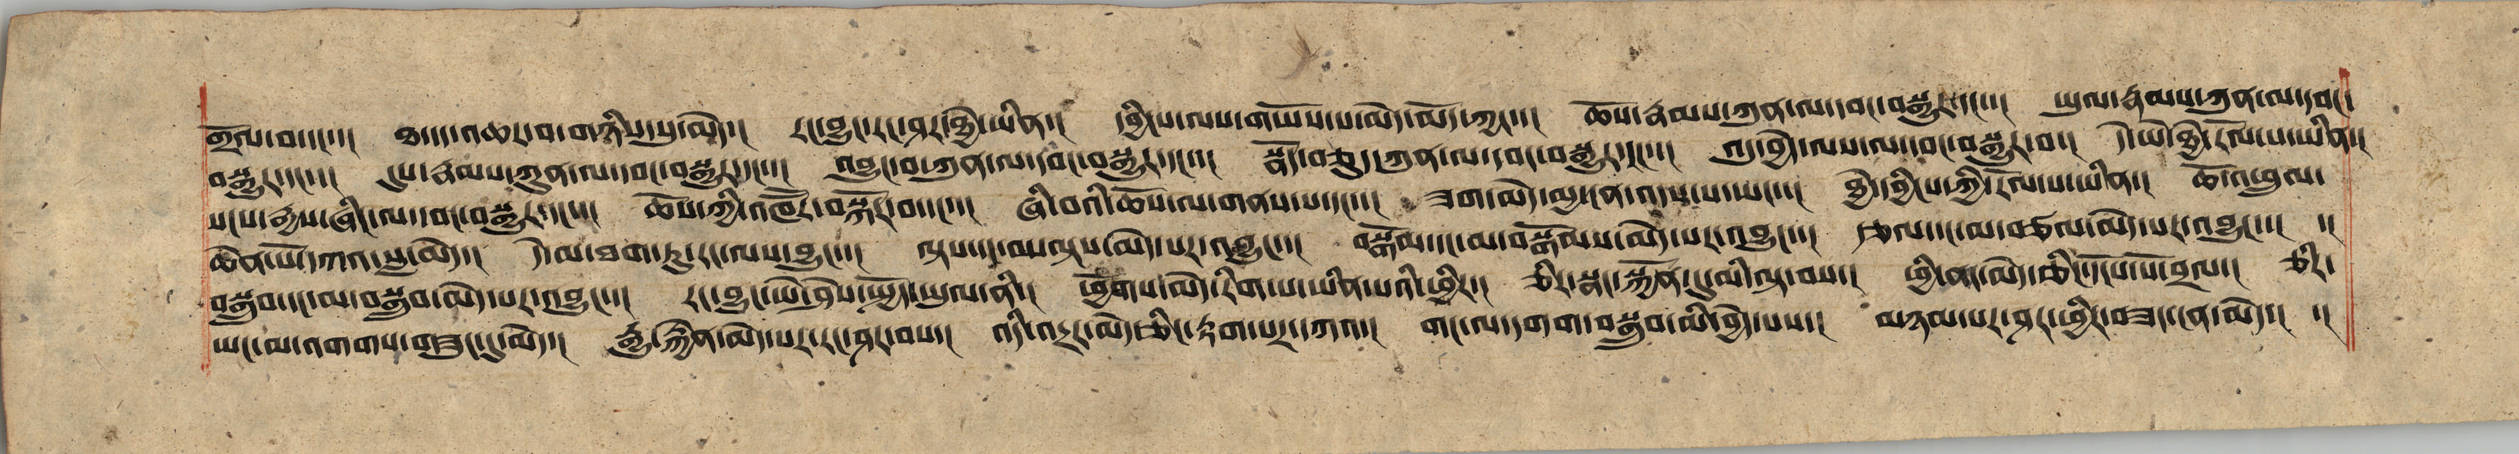གྲོལ་བ་དང་་། ཐ་དད་འཆར་བ་གཉིས་སུ་མེད་། རང་བྱུང་རང་ཤར་ཐྱེ་ཡིན་། དབྱིངས་ལས་གཡོས་པ་མེད་མོད་ཀྱང་་། ཆོས་རྣམས་ཀུན་ལ་དབང་བསྒྱུར་དང་་། ཡུལ་རྣམས་ཀུན་ལ་དབང་
བསྒྱུར་དང་་། དུས་རྣམས་ཀུན་ལ་དབང་བསྒྱུར་དང་་། འབྱུང་བ་ཀུན་ལ་དབང་བསྒྱུར་དང་་། སྣོད་བཅུད་ཀུན་ལ་དབང་བསྒྱུར་དང་་། འདུ་བྱེད་ལས་ལ་དབང་བསྒྱུར་བ་། དེ་ཡེ་ཐྱེ་རོལ་པ་ཡིན་།
སངས་རྒྱས་ཞིང་ལ་དབང་བསྒྱུར་དང་་། ཆོས་ཀྱི་འཁཽར་བསྐོར་བ་དང་་། ཞི་བའི་ཆོས་ལ་གནས་པ་དང་་། ཟག་མེད་མྱ་ངན་འདས་པ་ཡང་་། ཐྱེ་དབྱིངས་ཀྱི་རོལ་པ་ཡིན་། ཆོ་འཕྲུལ་
ཆེན་པོ་དཀའ་སླ་མེད་། དེ་མ་ཐག་ཏུ་རང་ལས་བྱུང་་། ལྟས་དང་མ་ལྟས་མེད་པར་འབྱུང་་། བསྒོམ་དང་མ་བསྒོམས་མེད་པར་འབྱུང་་། དཅལ་དང་མ་བཙལ་མེད་པར་འབྱུང་་།
བསྒྲུབ་དང་མ་བསྒྲུབ་མེད་པར་འབྱུང་་། རང་བྱུང་ཡེ་ཤེས་སྤྱོད་ཡུལ་ནི་། ཕྱོགས་མེད་རིག་པ་ཡིན་པའི་ཕྱིར་། ཅིར་སྣང་སྐྱོན་དུ་མི་ལྟ་བས་། ཕྱི་ནང་མེད་ཅིང་དངོས་པོ་བྲལ་། ཅིར་
ཡང་མ་འགགས་གཟུང་དུ་མེད་། རྒྱུ་རྐྱེན་མེད་པར་རང་ཤར་བས་། འདི་འདྲར་མེད་ཅིང་རྟག་པར་དཀའ་། གང་ལ་དགག་བསྒྲུབ་མི་བྱེད་པས་། མཉམ་པར་ཤར་ཕྱིར་བཟང་ངན་མེད་།